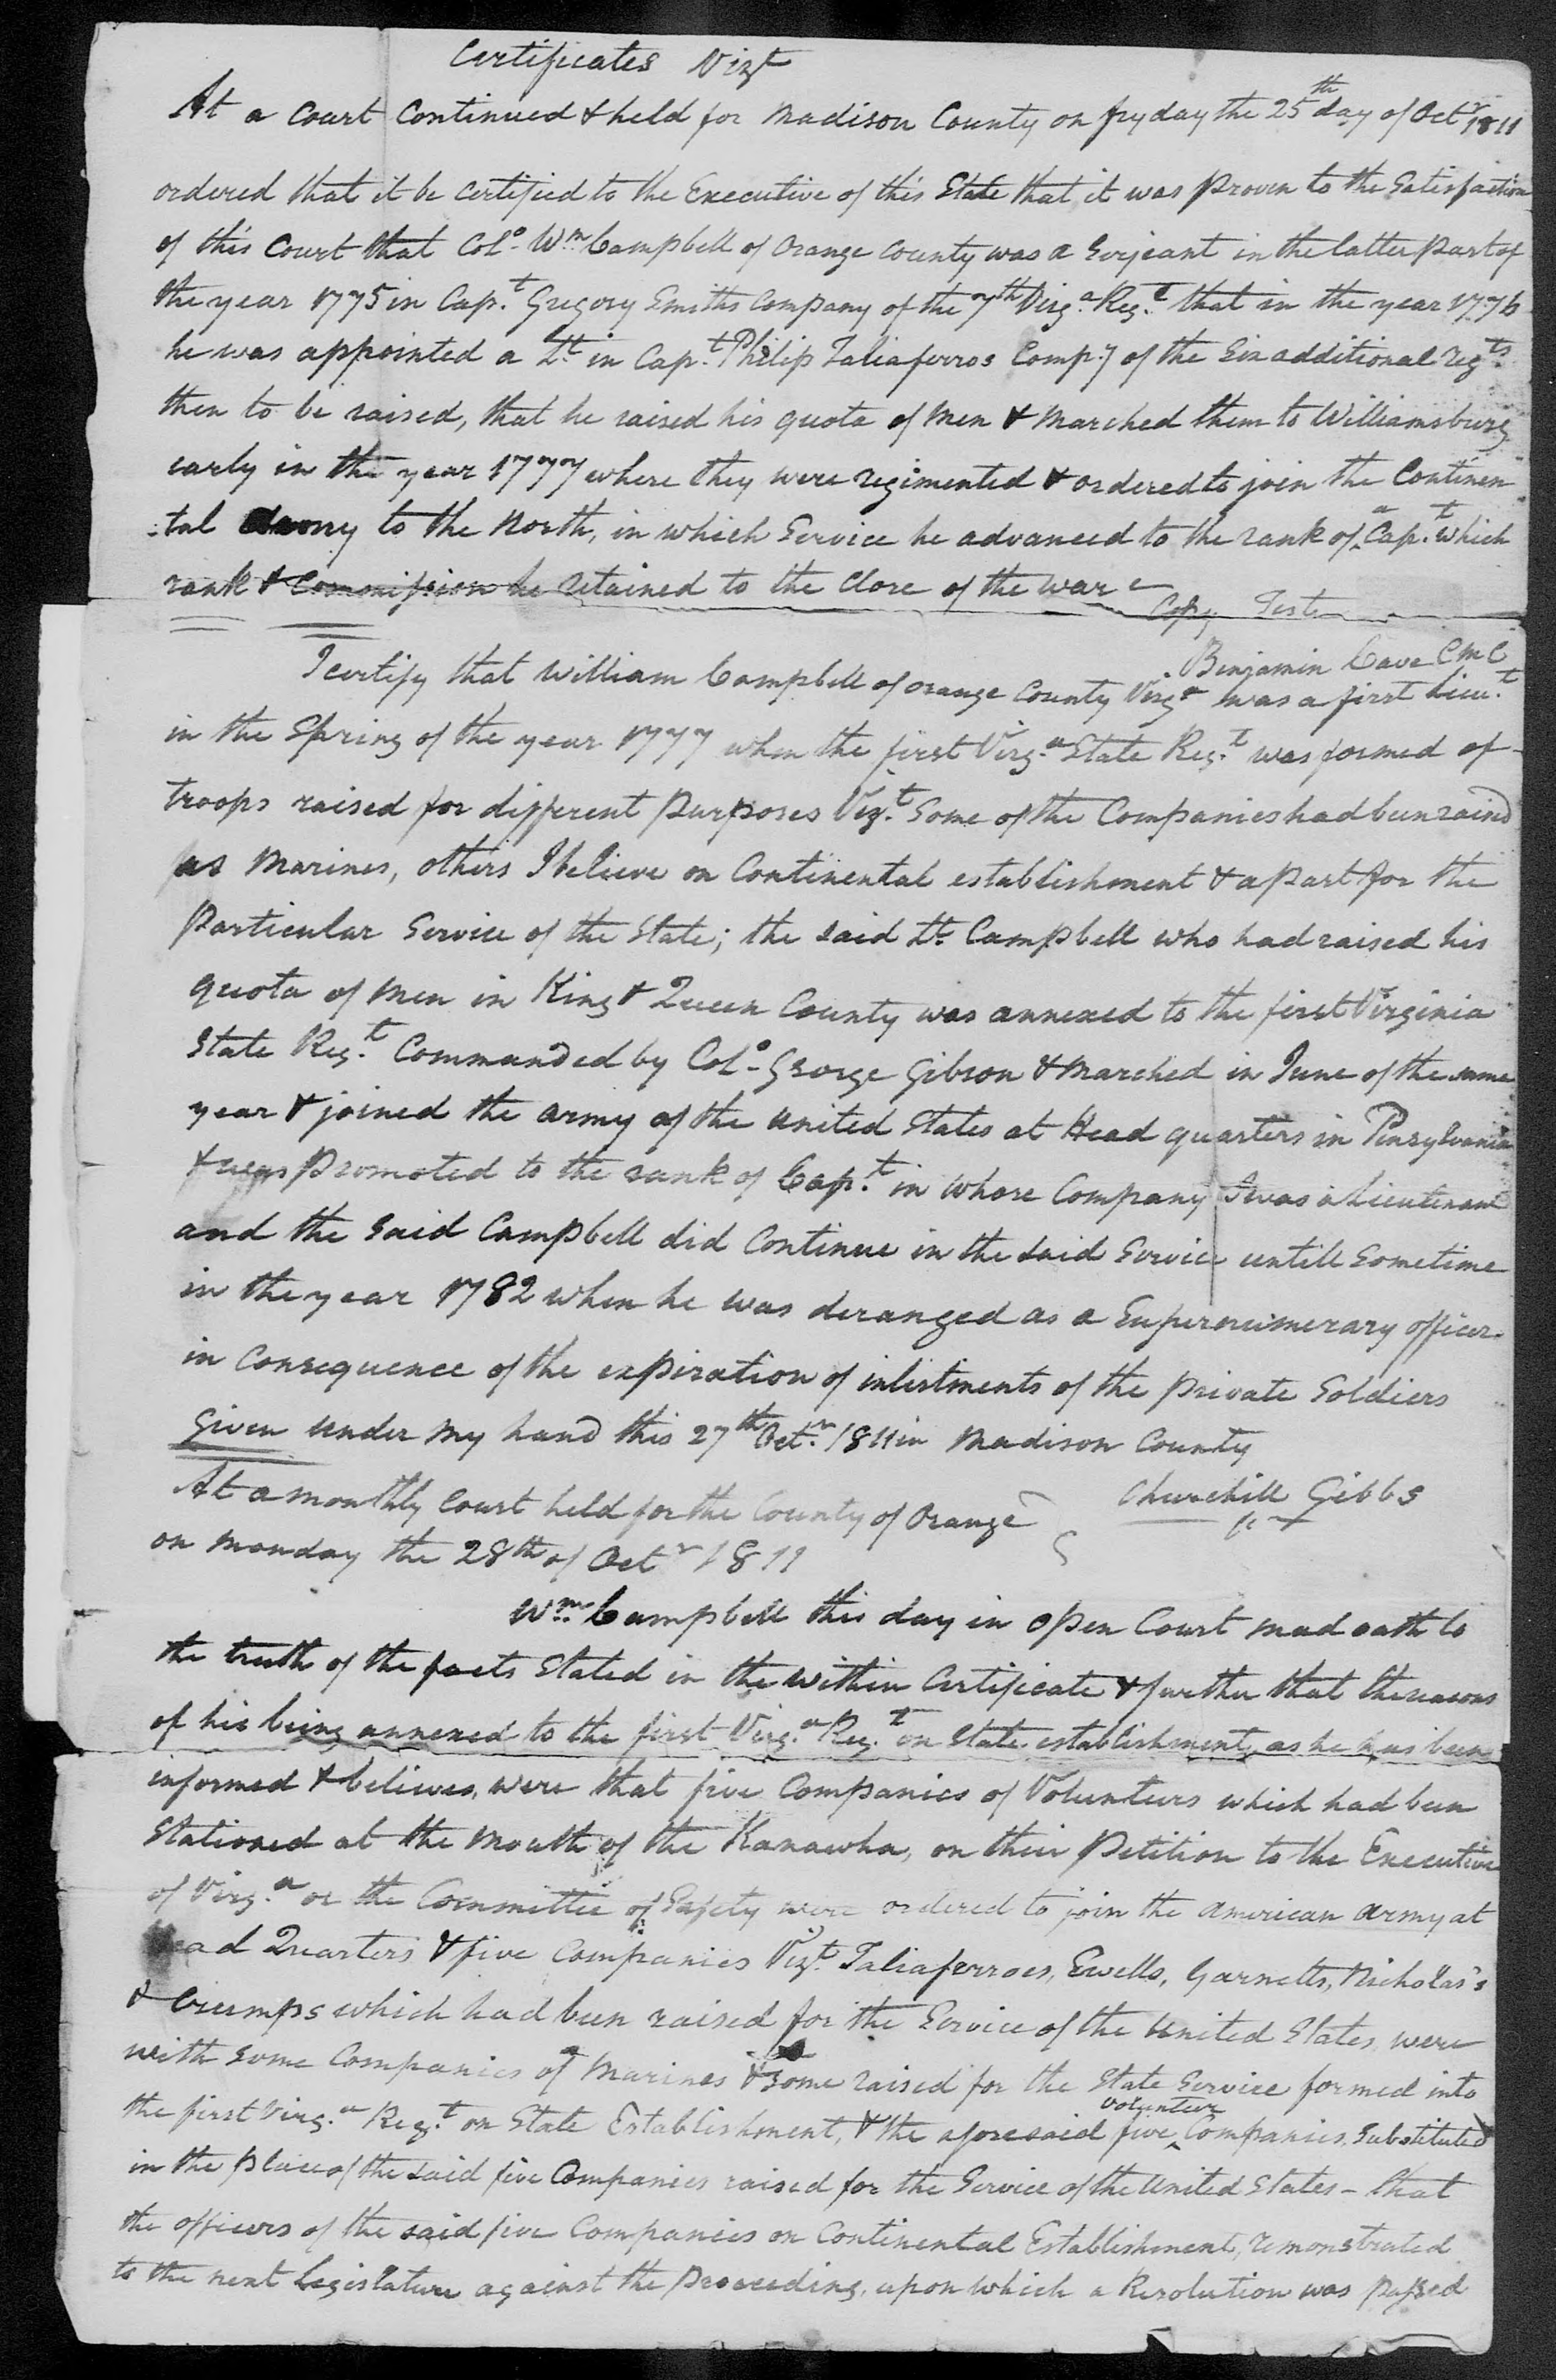Certificates Vizt
At a Court Continued +[and] held for Madison County on Friday the 25th day of Octr 1811 ordered that it be certified to the Executive of this State that it was proven to the Satisfaction of this Court that Colo. Wm.  Campbell of Orange County was a Sargiant in the latter part of the years 1775 in Capt. Gregory Smiths Company of the 7th Virga. Regt. that in the year 1776 he was appointed a Lt. in Capt. Philip Taliaferros Compy. of the Six additional regts. then to be raised, that he raised his quota of men +[and] marched them to Williamsburg early in the year 1777 where they were regimented +[and] ordered to join the Continental Army to the North, in which Service he advanced to the rank of Capt. which rank +[and] commission he retained to the close of the war -- Copy Teste

Benjamin Cave Clk Ct
I certify that William Campbell of Orange County Virga was a first Lieut. in the Spring of the year 1777 when the first Virga. State Regt. was formed of troops raised for different purposes Vizt. some of the companies had been raised as marines, others I believe on Continental establishment +[and] a part for the particular service of the State; the said Lt. Campbell who had raised his quota of men in King +[and] Queen County was annexed to the first Virginia state Regt. Commanded by Colonel. George Gibson +[and] marched in June of the same year +[and] joined the Army of the United States at Headquarters in Pensylvania +[and] the said Campbell did continue in the said Service until sometime in the year 1782 when he was deranged as a Supernumerary officer.in consequence of the expiration of enlistments of the private soldiers Given under my hand this 27th Octr. 1811 in Madison County
Churchill Gibbs [signature]
At a monthly Court held for the County of Orange on Monday the 28th of Octr 1811
Wm Campbell this day in open court mad oath to the truth of the facts stated in the within Certificate +[and] further that the reasons of his being annexed to the first Virga. Regt. on State establishment as he has been informed +[and] believes were that five companies of Volunteers which had been stationed at the mouth of the Kanawha, on their Petition to the Executive of Virga. or the Committee of Safety were ordered to join the American Army at Head Quarters +[and] five companies Vizt. Taliaferroes, Ewells, Garnetts, Nicholas's +[and] Crumps which had been raised for the Service of the United States were with some Companies of Marines +[and] some raised for the State Service formed into the first Virga. Regt. on State Establishment +[and] the aforesaid [insert] volunteer [end insert] companies substituted in the place of the said five Companies raised for the Service of the United States -- that the officers of the said five companies on Continental Establishment remonstrated to the next Legislature against the proceeding, upon which a Resolution was passed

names: George Gibson, Campbell, Wm Campbell, Churchill Gibbs, William Campbell, Wm Campbell, Benjamin Cave, Campbell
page: 62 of 267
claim: widow's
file: W. 4,149, William Campbell, Va.